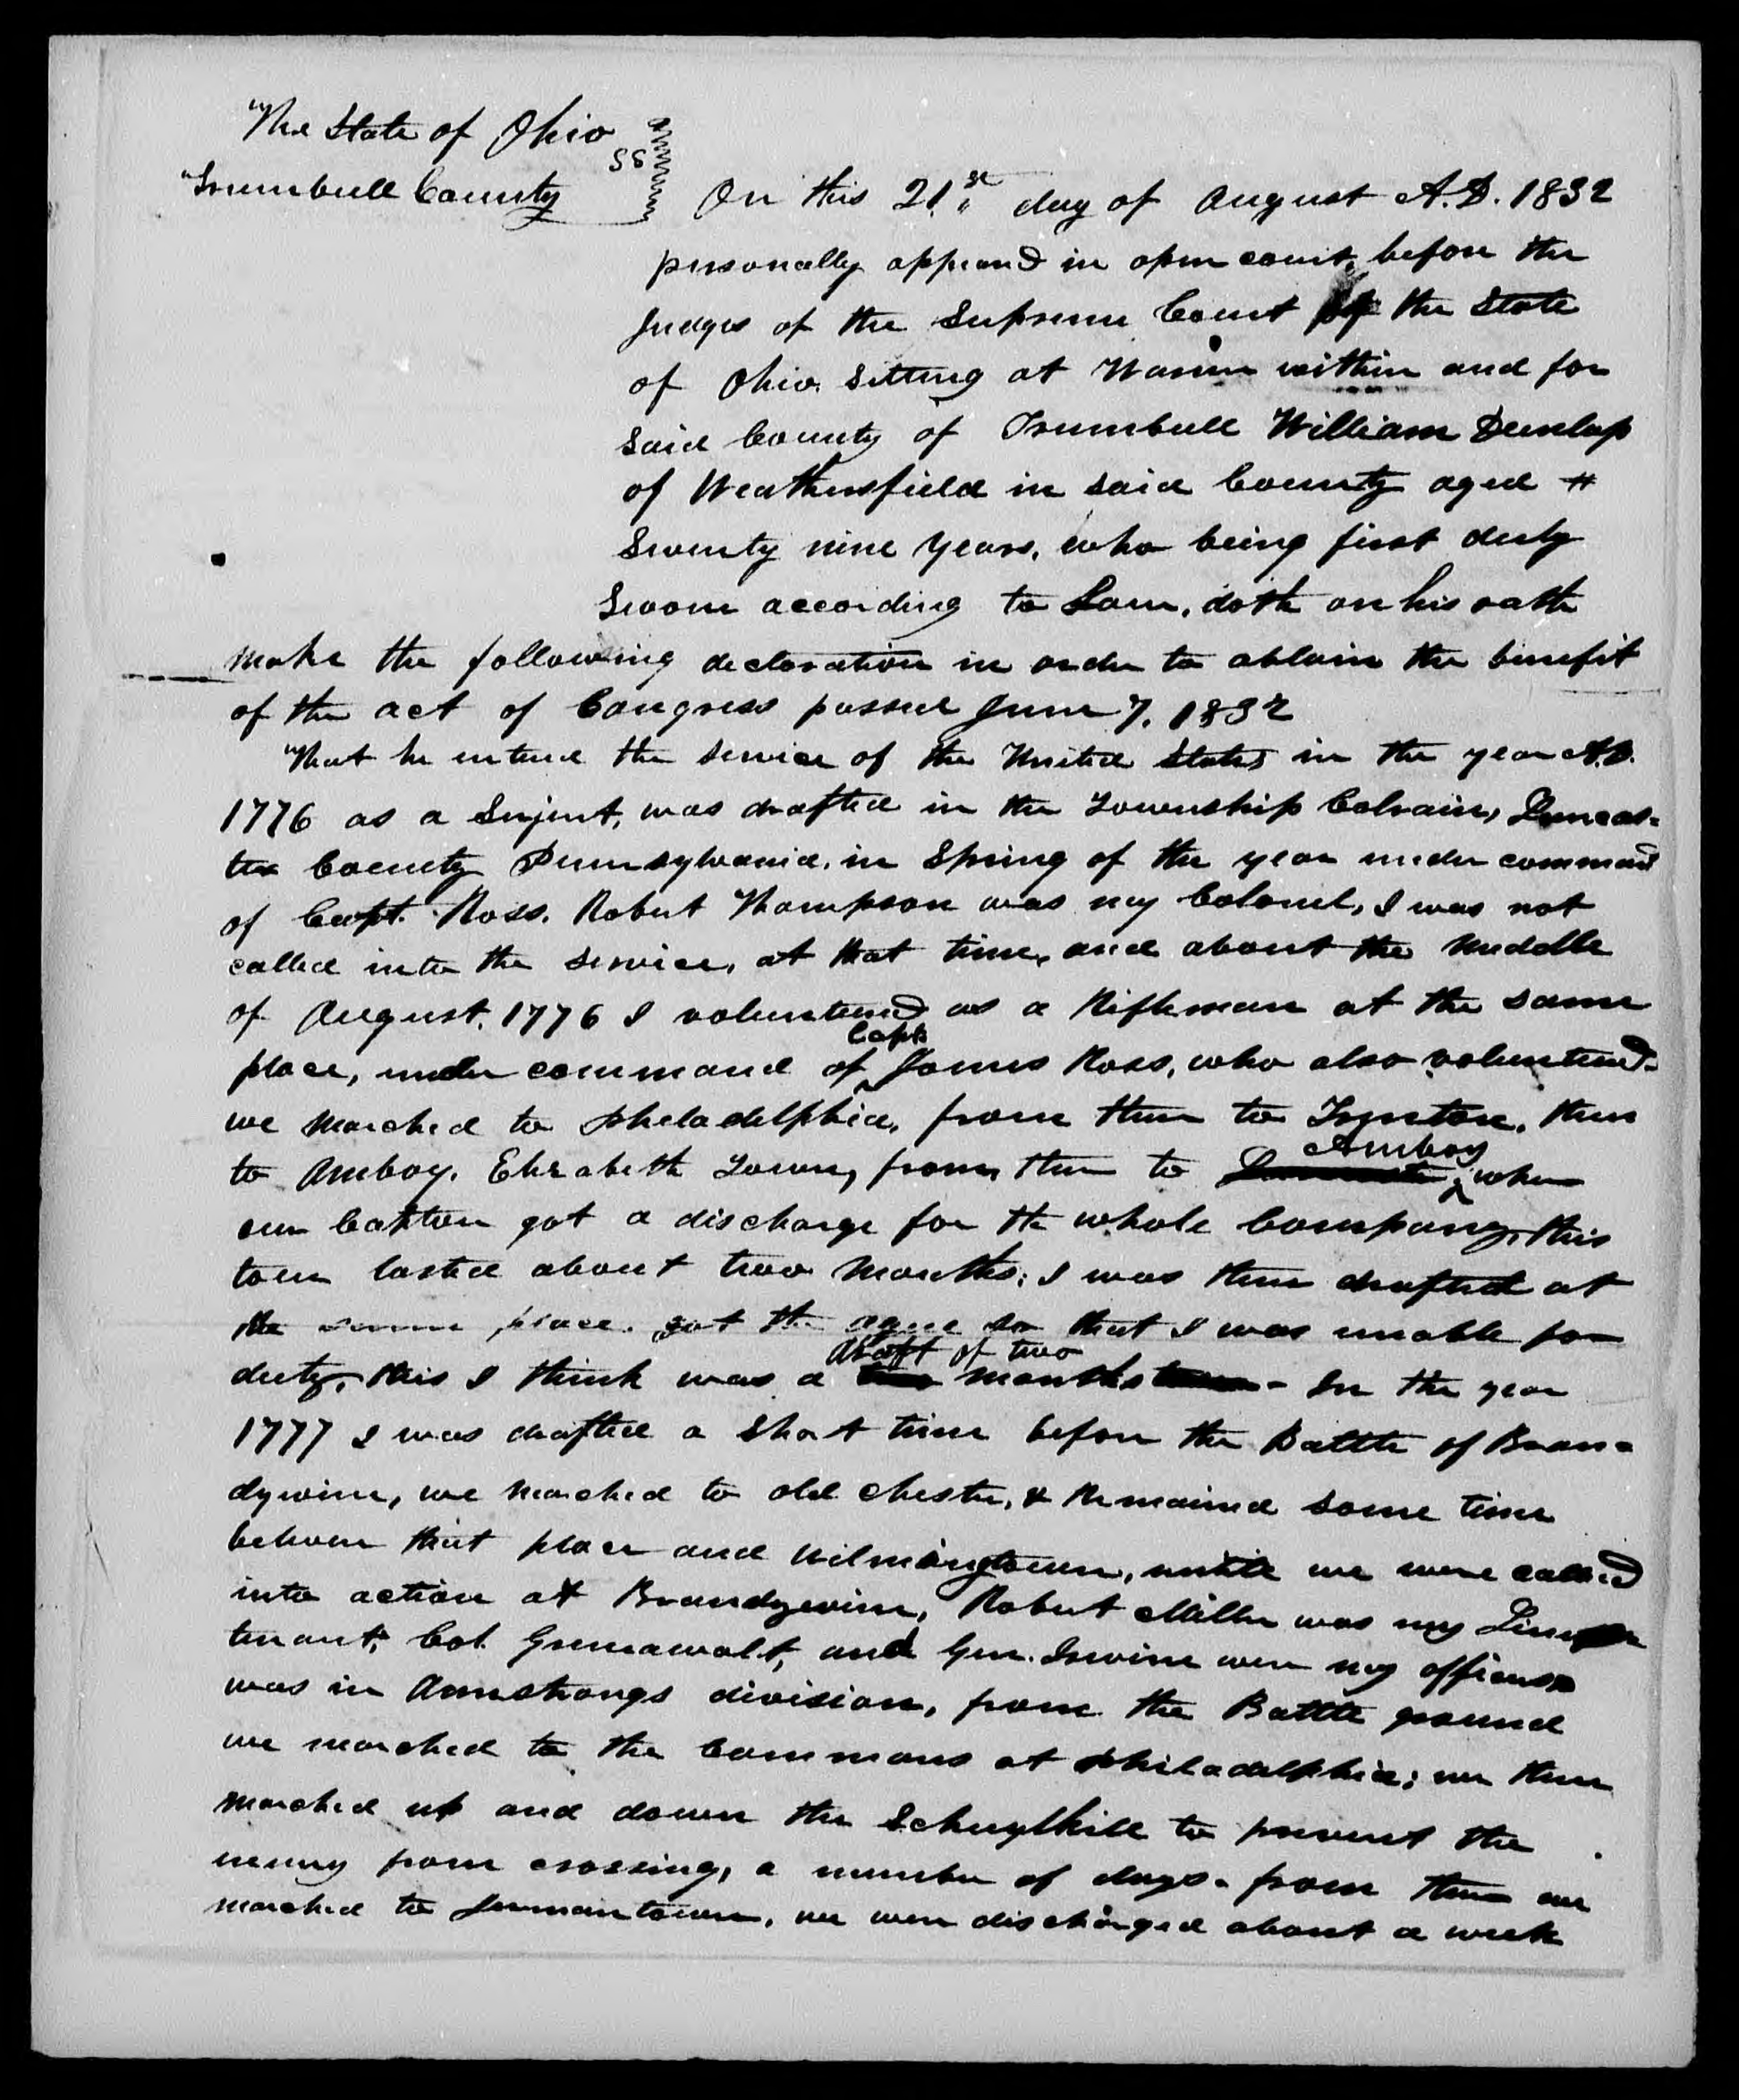The State of Ohio
Trumbull County SS
On this 20th day of August A.D. 1832
personally appeared in open court before the
Judges of the Supreme Court of the State of
Ohio sitting at Warren within and for
said County of Trumbull William Dunlap
of Weathersfield in said County aged [illegible]
Seventy nine years, who being first duly
sworn according to Law, doth on his oath
make the following declaration in order to obtain the benefit of the act of Congress passed June 7, 1832
---
That he entered the service of the United States in the year A.D
1776 as a Serjent, was drafted in the Township Colrain, Lancaster County Pennsylvania in Spring of the year under command
of Capt Ross, Robert Thompson was my colonel, I was not
called into the service at that time and about the midelle
of August 1776 I volunteered as a Rifleman at the same
place, under command of Capt James Ross, who also volunteered.
we marched to Philadelphia, from there to Trenton then to Amboy, Elizabeth Town where our Captain got a discharge for the whole company this tour lasted about two months. I was then drafted at
the same place got the ague so that I was unable for
duty, this I think was a draft of two months in the year
1777 I was drafted a short time before the Battle of Brandywine, we marched to old chester & remained some time
between that place and Wilmingtown, untill we were called
into action at Brandywine, Robert Miller was my Lieutenant Col Greenawalt, and Gen. Irvine were my officers
was in Armstrongs division, from the Battle ground
we marched to the Commons at Philadelphia, we then
marched up and down the Schuylkill to prevent the enemy from crossing, a number of days. from there we marched to Germantown, we were discharged about a week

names: Elizabeth James, Ross, Irwine, Robert Thompson, Robert Miller, James Ross, Grunawalt, William Dunlap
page: 4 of 24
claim: survivor's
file: S. 15,415, William Dunlap, Penn.